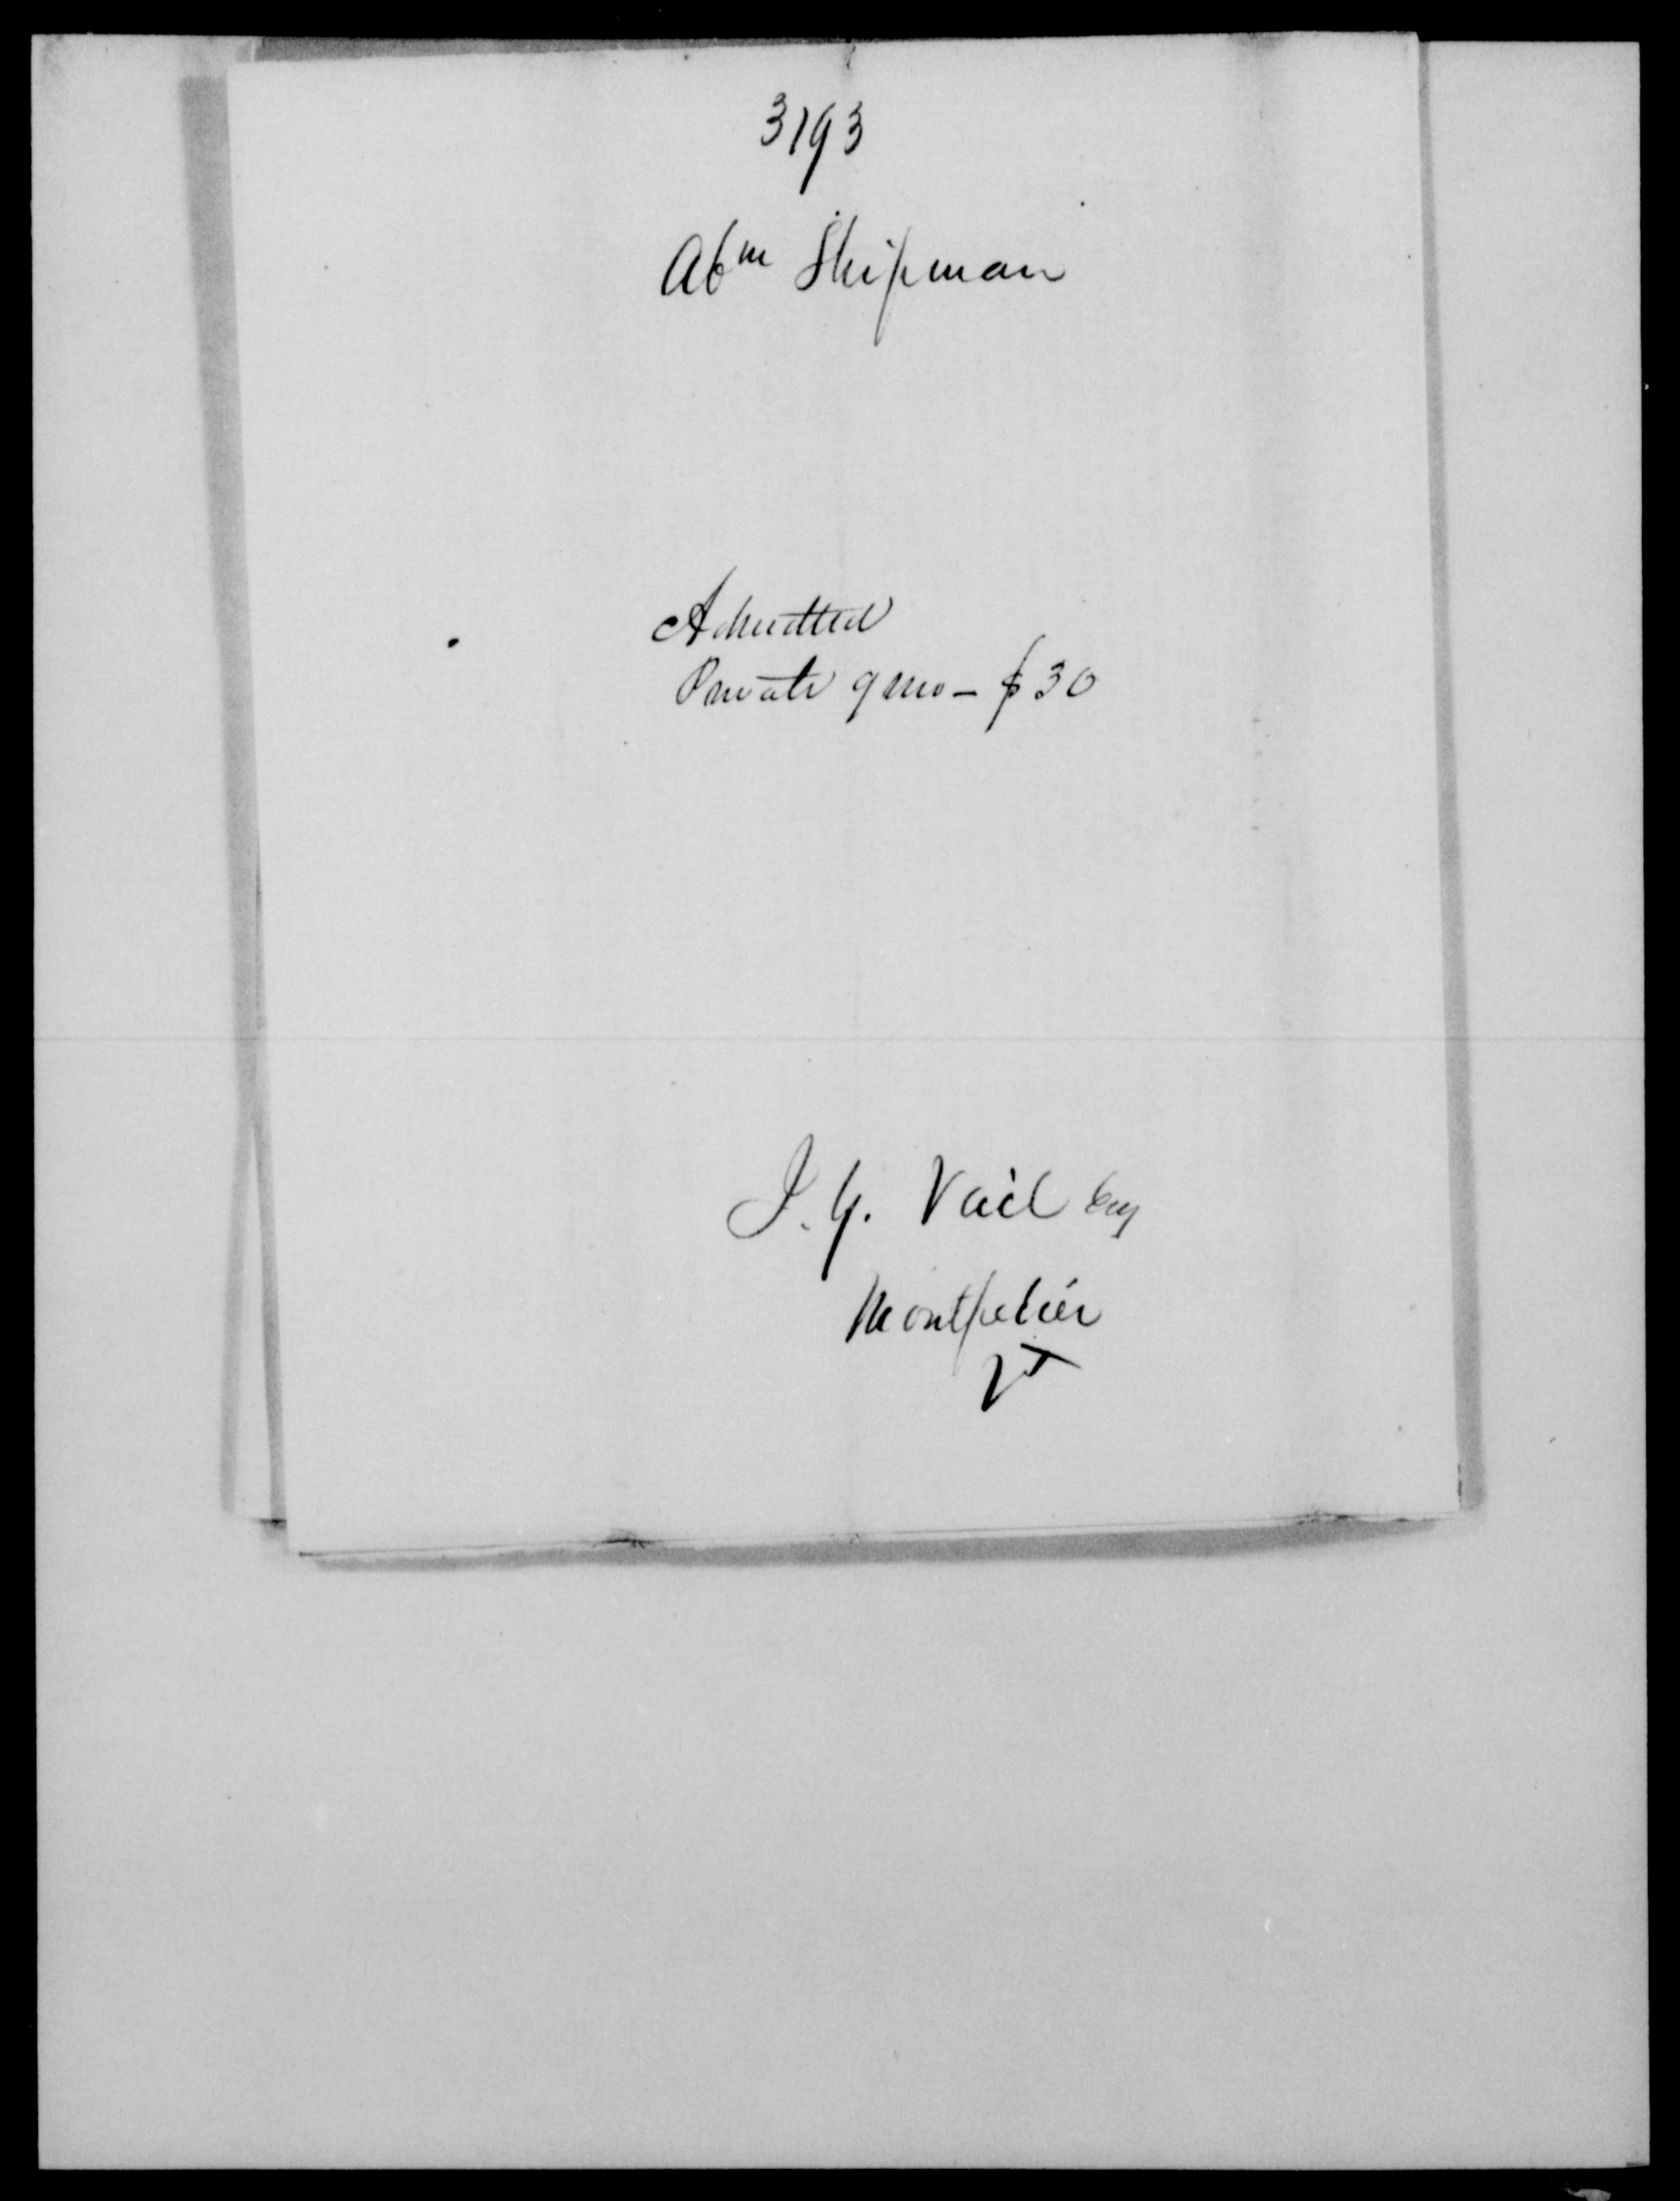3193 

Abm Shipman 

Admitted 
Private $30 

J.Y. Vail Esq 
Montpelier 
VT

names: Abm Shipman; J Y Vail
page: 3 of 13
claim: survivor's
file: S. 15977, for Abraham Shipman, Vermont